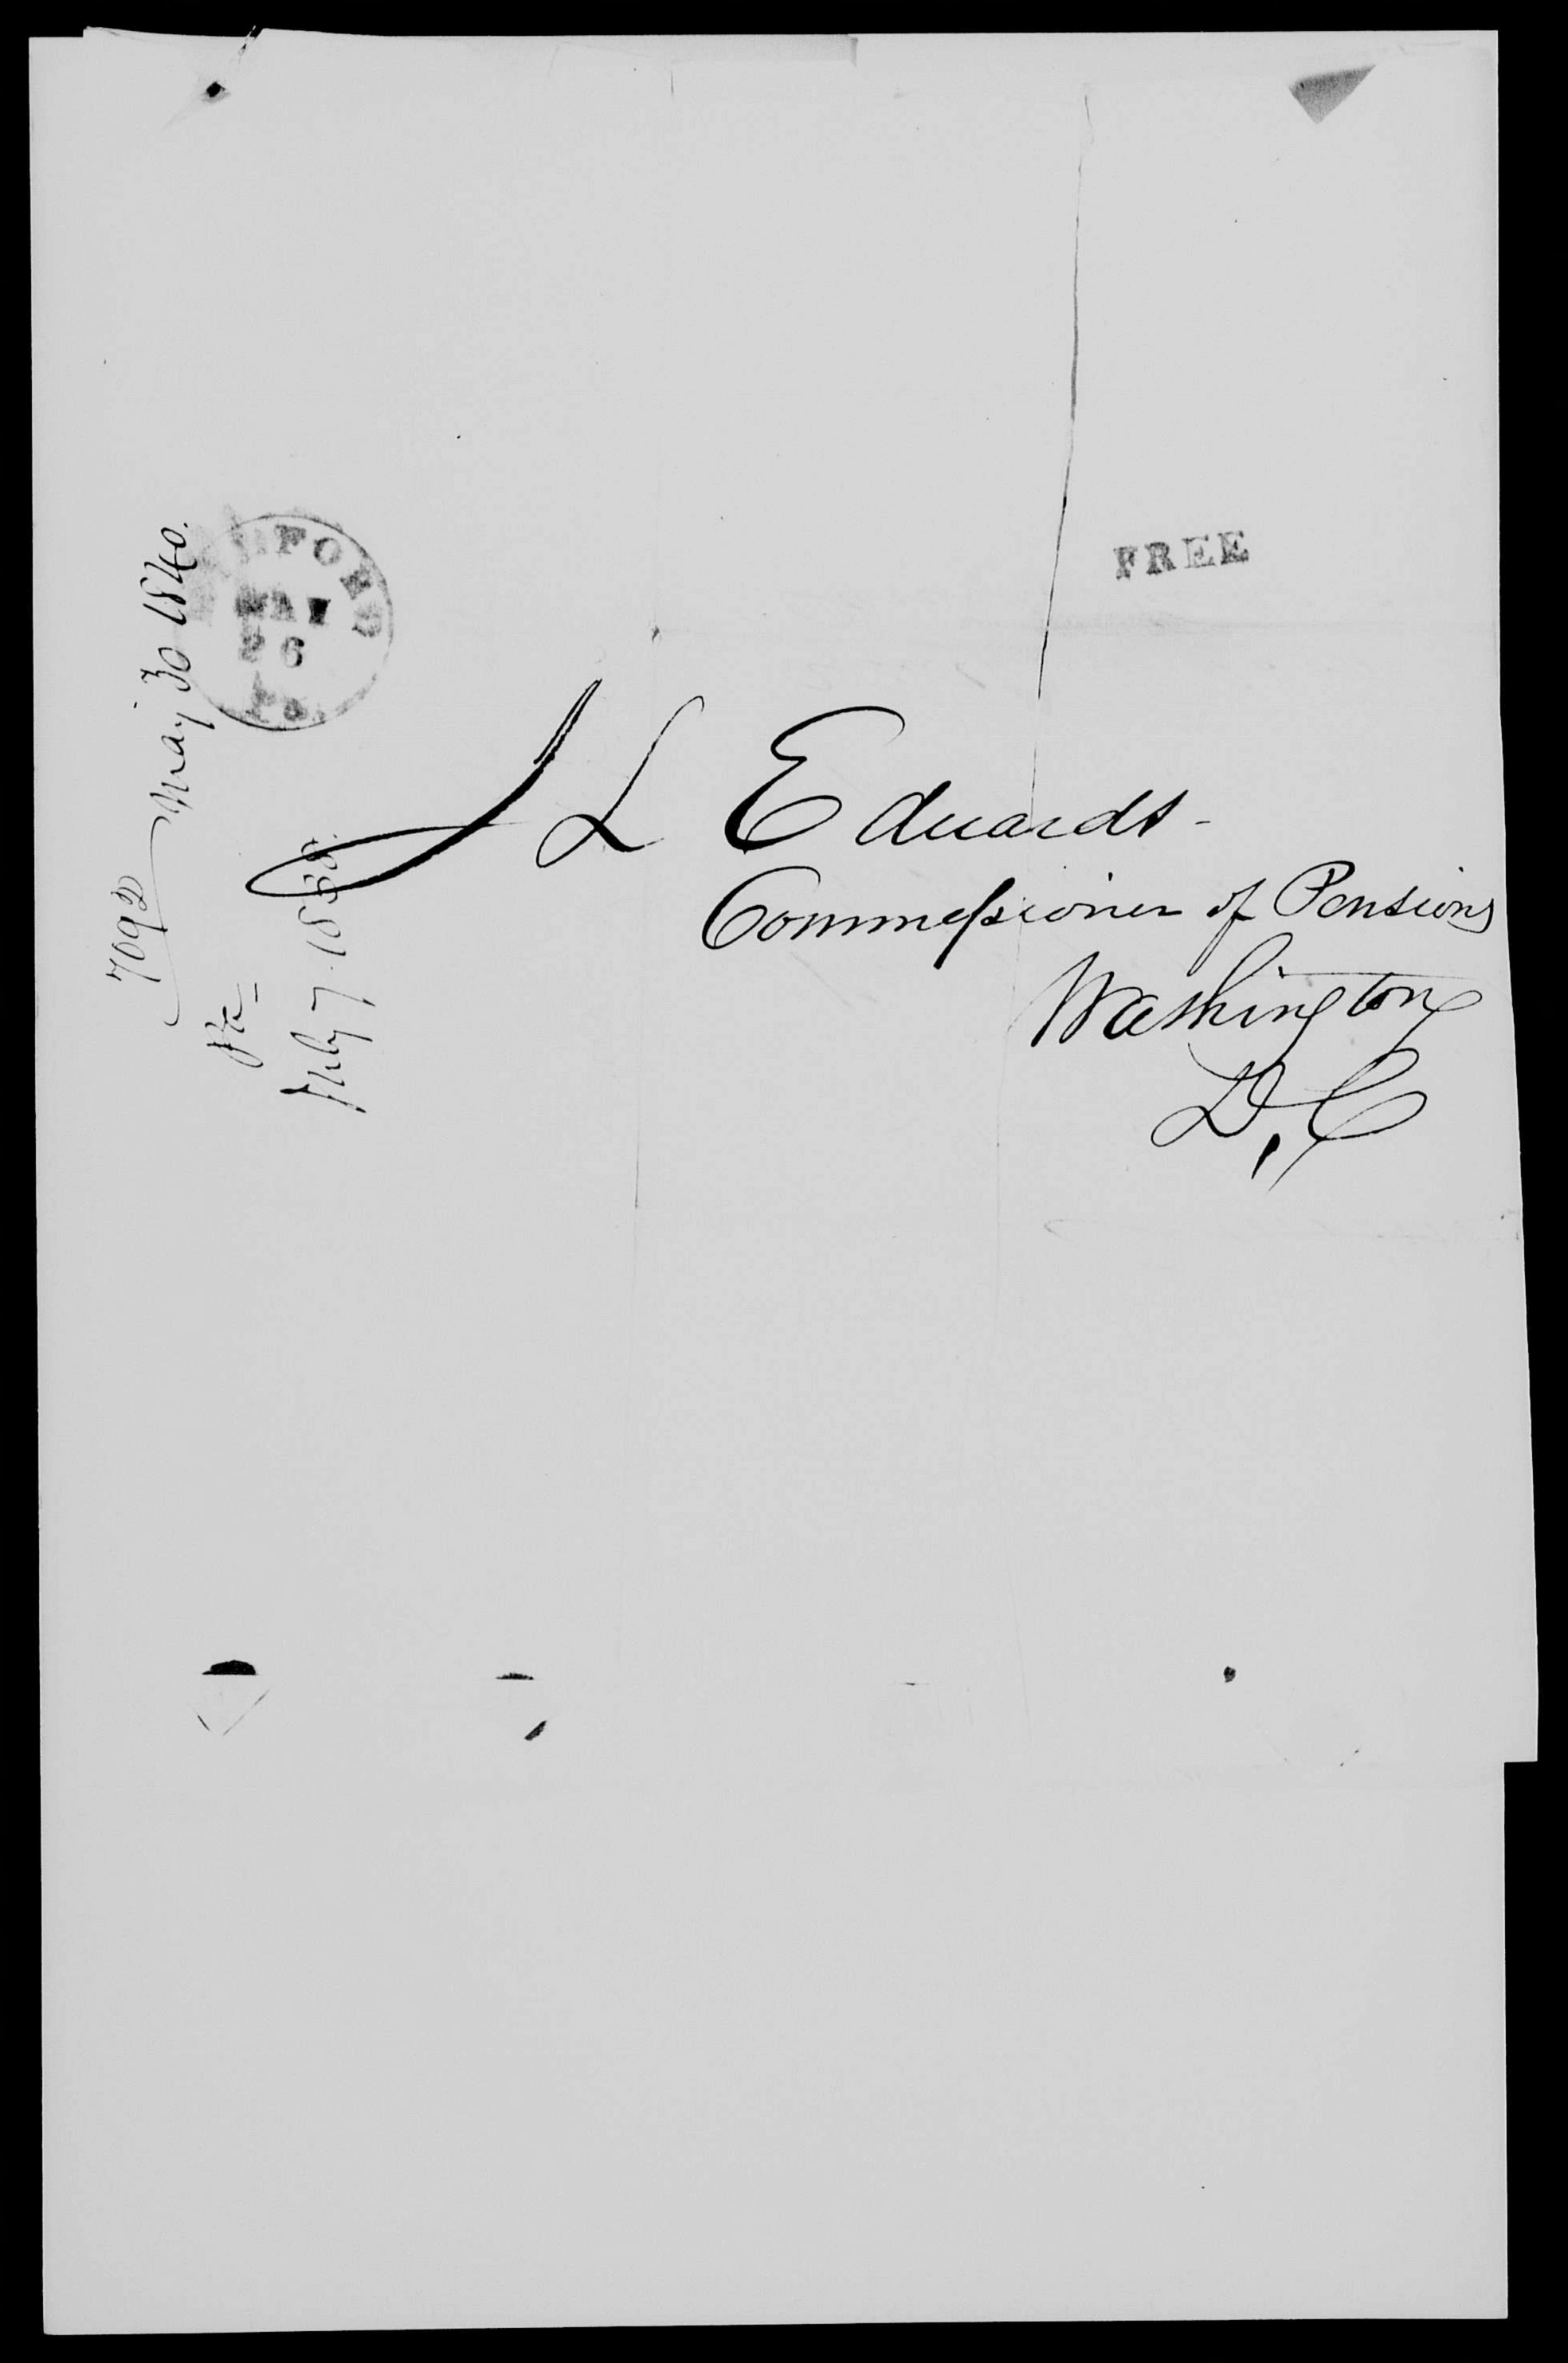May 30 1840
July 7. 18
FREE
J L Edwards-
Commissioner of Pensions
Washington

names: J L Edwards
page: 57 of 79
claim: widow's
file: W. 2,906, Stephen Bennet, Conn.